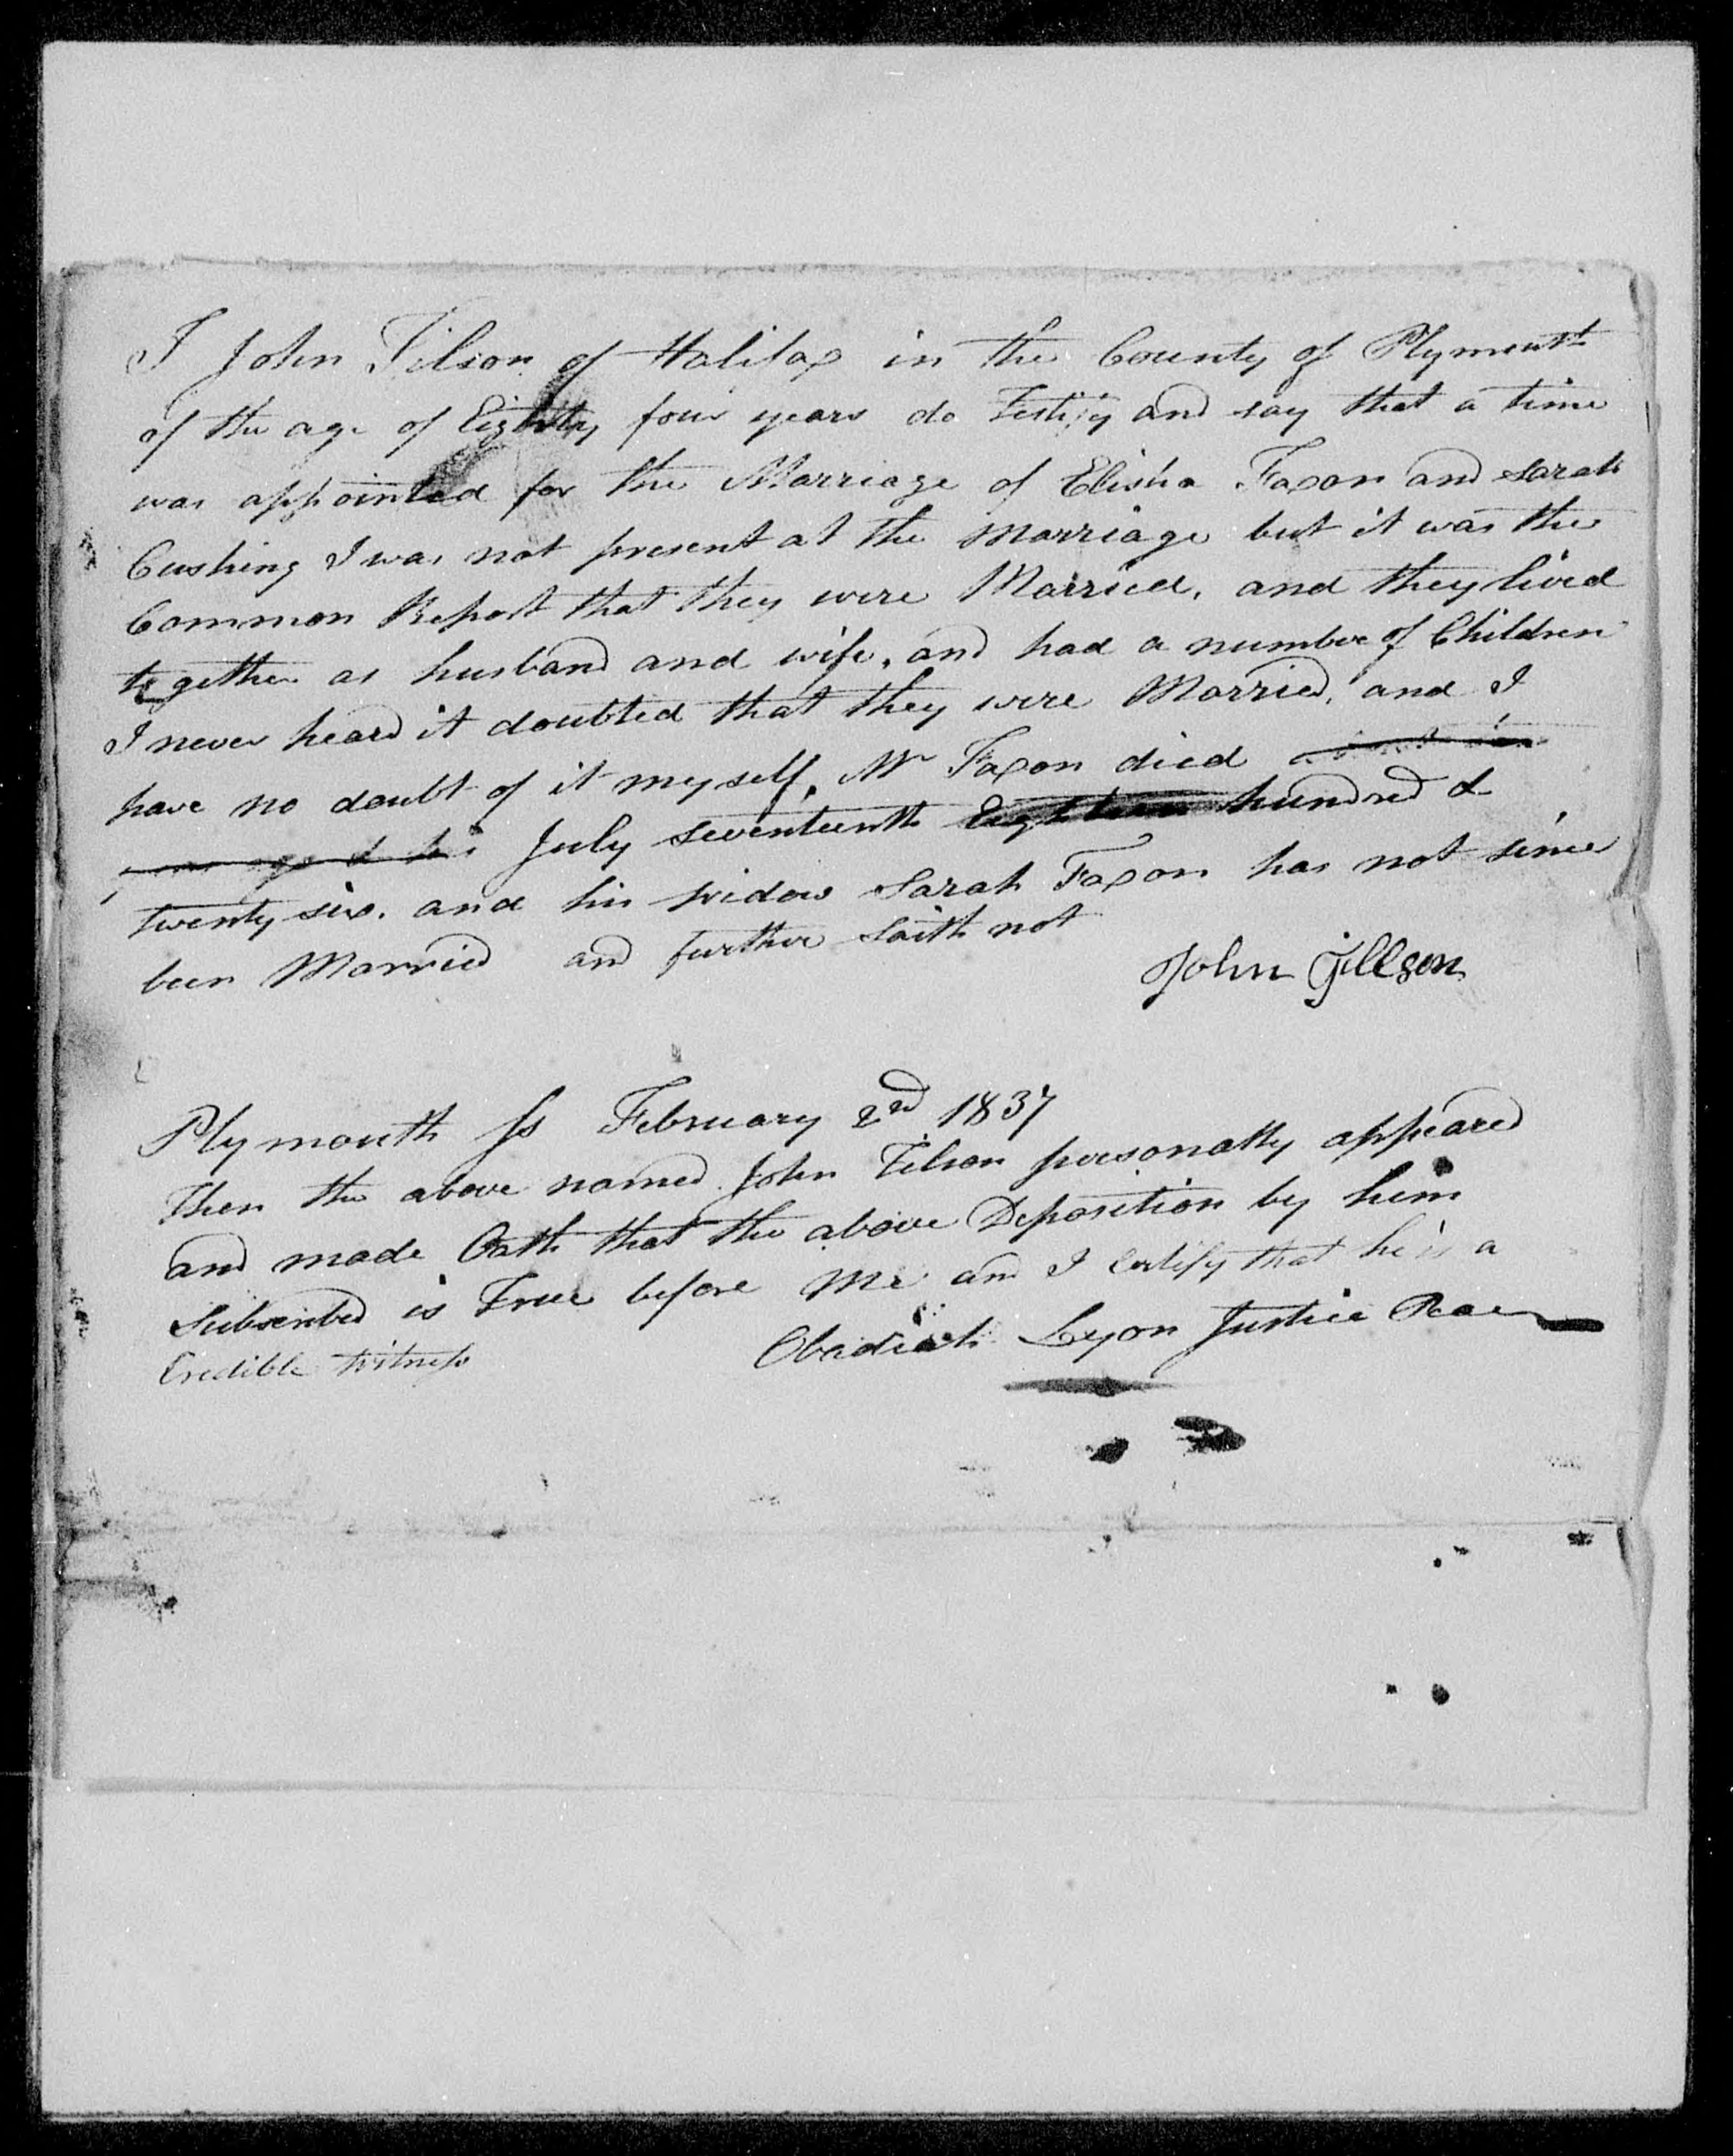I John Tillson of Halifax in the County of Plymouth of the age of eighty four years do testify and say that a time was appointed for the Marriage of Elisha Faxon and Sarah Cushing. I was not present at the marriage but it was this common report that they were married and they lived together as husband and wife, and had a number of children. I never heard it doubted that they were married and I have no doubt of it myself. Mr. Faxon died July seventeenth eighteen hundred and twenty six and his widow Sarah Faxon has not since been married and further saith not.
John Tillson

Plymouth Mass February 2nd 1837
Then this above named John Tillson personally appeared and made other that the above Deposition by him subscribes is true before me and I certify that he is a credible witness

Obadiah Lyon, Justice Peace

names: John Tillson, Faxon, Obadiah Lyon, Sarah Cushing, Elisha Faxon, Sarah Faxon, John Tilson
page: 35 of 47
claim: widow's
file: W. 14703, Elisha Faxon, Mass